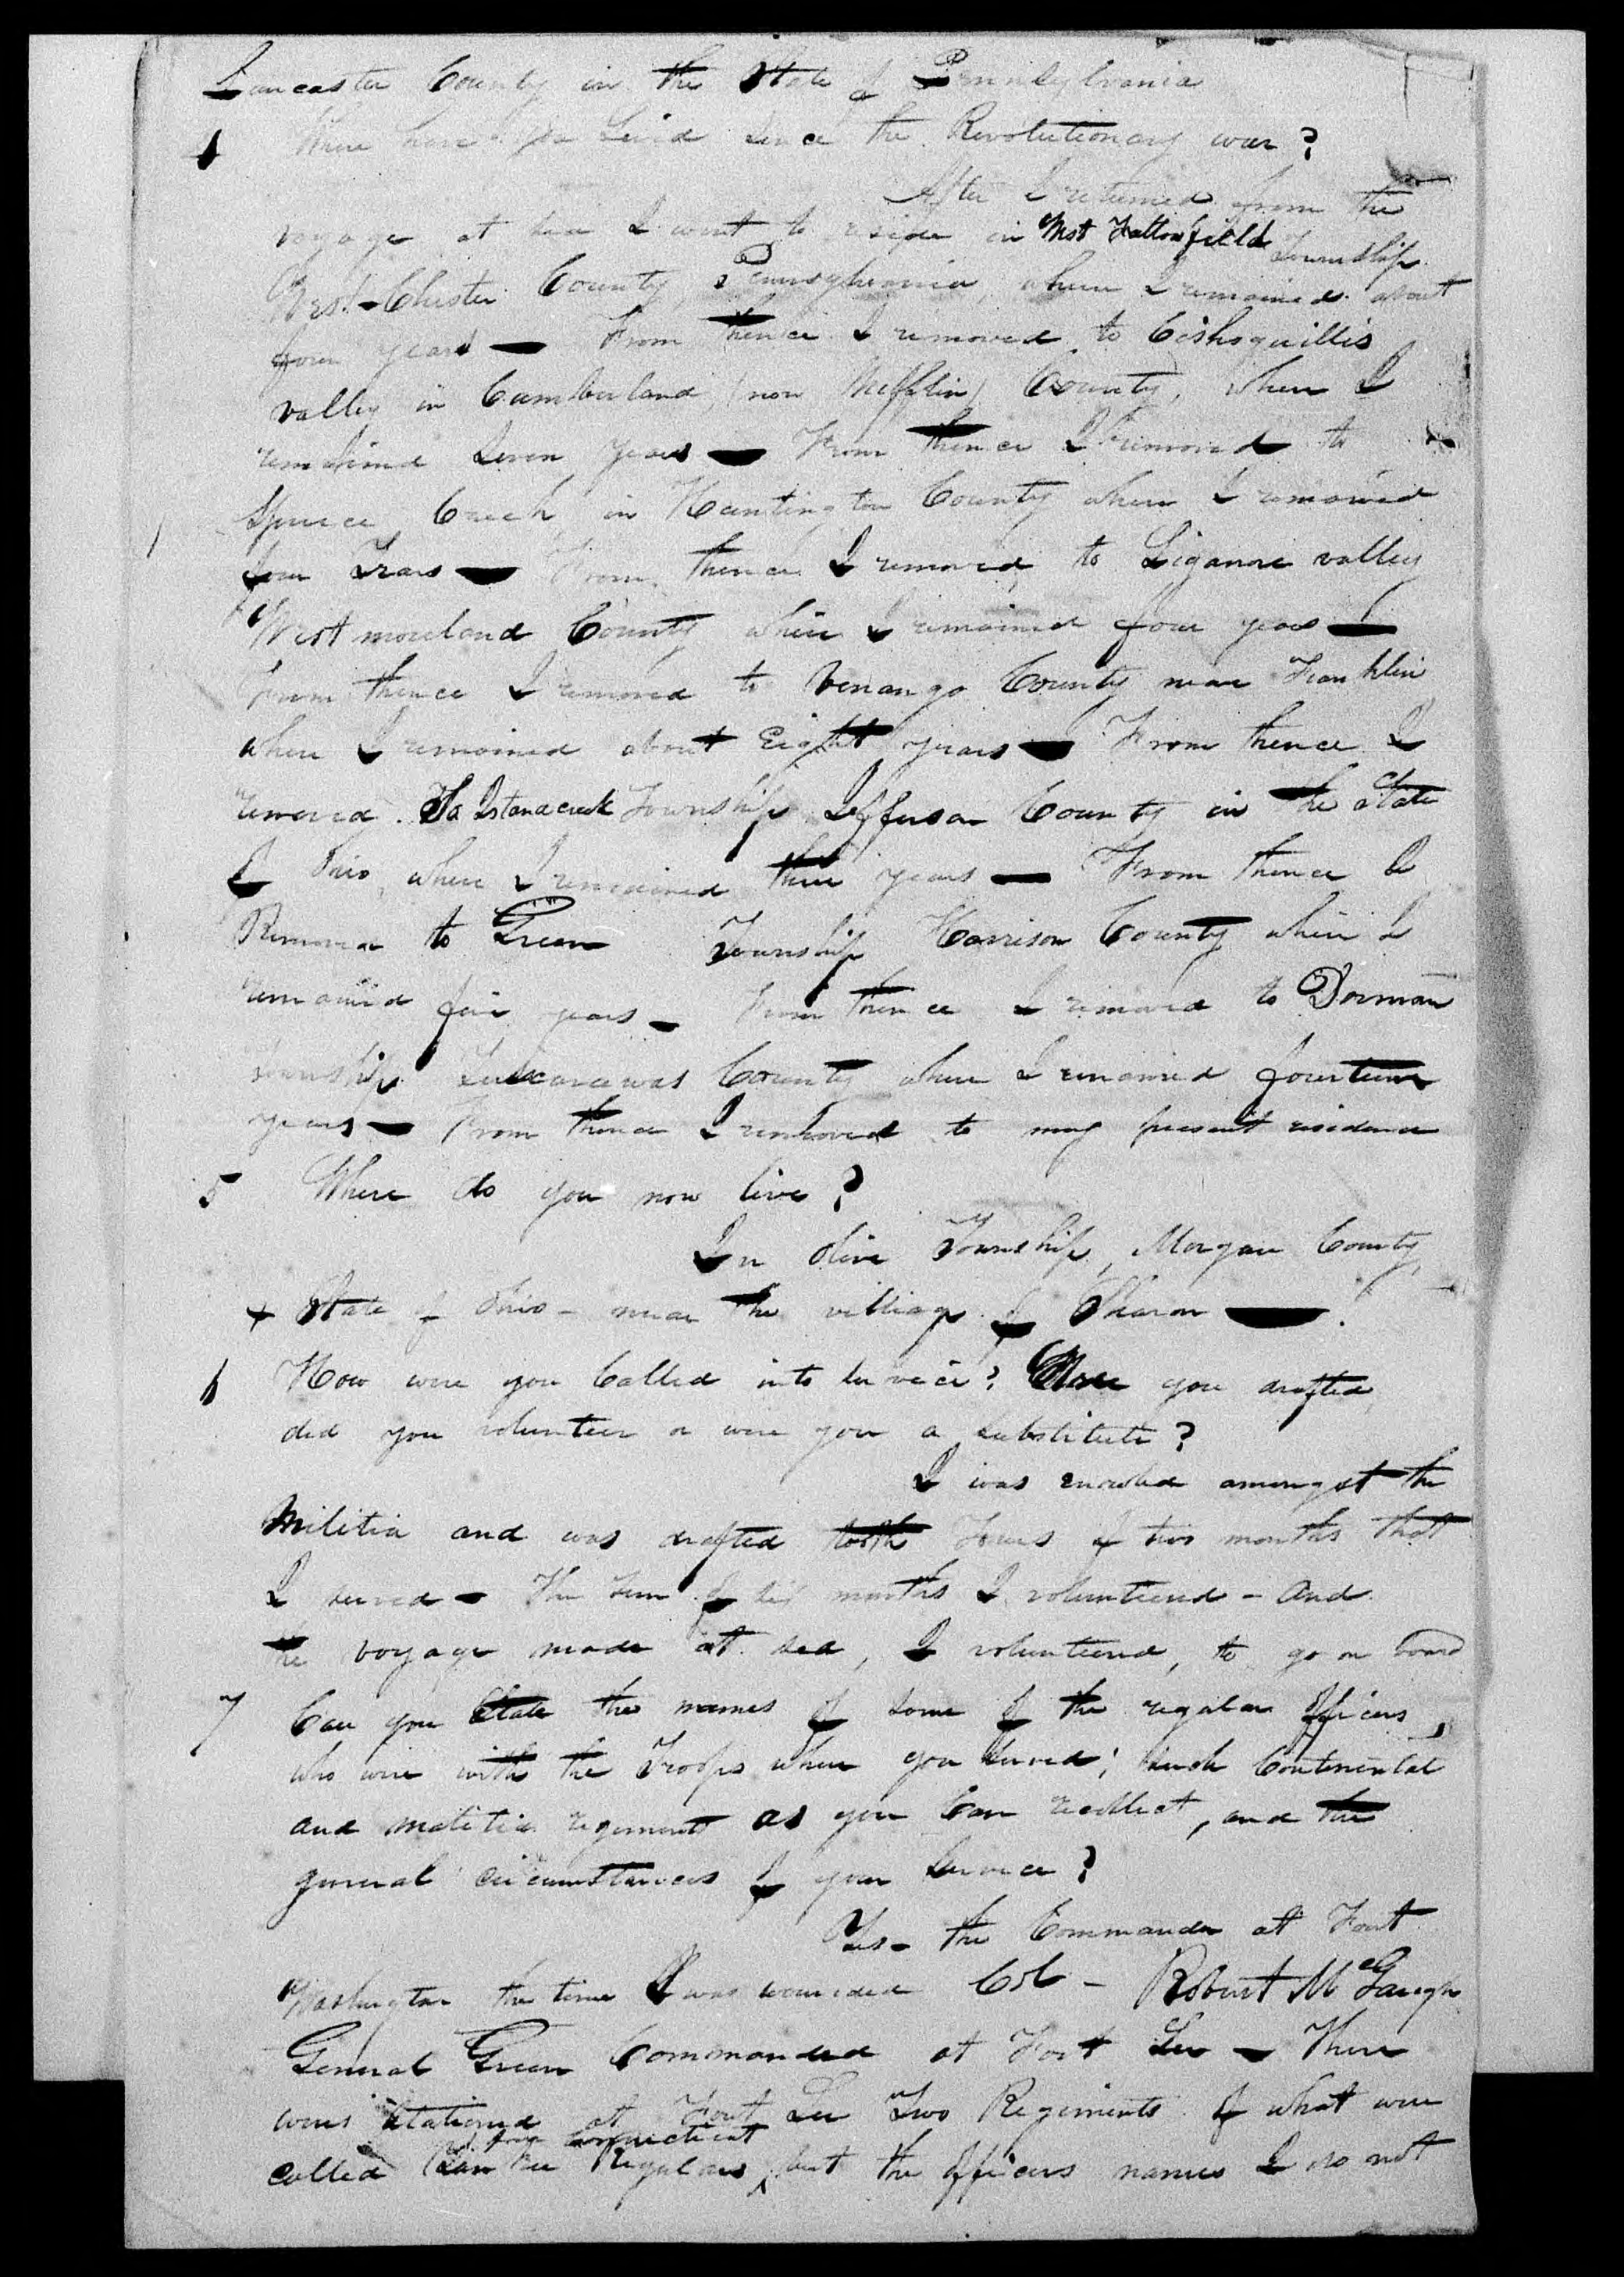Lancaster County in the State of Pennsylvania 
Where have you lived since the Revolutionary War?
After I returned from the voyage at war I went to reside in West Fattonfield Township West Chester County, Pennsylvania where I resided about four years From thence I removed to Cishoquillis valley in Cumberland now Mifflin county when I resided seven years, From Thence I removed to  Spencer Crick in Huntington County where I resided four years. From thence I removed to Ligonier valley, Westmoreland County where I remained four years from thence I removed to Venango County near Franklin where I remained about eight years. From thence I removed to Istancreek Township Jeffereson in the State and this where I remained three years . From thence I removed to Green Township Harrison County where I remained five years. From thence I removed to Dorman Township Tuscarawas County where I remained fourteen years. From thence I removed to my present residence.
Where do you now live? In Olive Township, Morgan County and State of Ohio near the village of Sharon 
How were you called into service? Were you drafted did you volunteer or were you a Substitute? I was enacted amongst the Militia and was drafted both tours of two months that I served. The time of six months I volunteered and the voyage made at sea, I volunteered to go on board 
Can you state the names of some of the regular officers who were with the Troops where you served: Jacob Continental and militia regiment as you recollect and the  general circumstances of your Service?
Yes. The Commander at Fort Washington the time I was wounded Col Robert M Mclaugh General Green Commanded at Fort Lee. There was Stationed at Fort Lee Two Regiments: of what were called Forge (unreadable) Same was Regulars but the officers names I know not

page: 10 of 41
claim: survivor's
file: S. 4585, for William Lyons, Pennsylvania